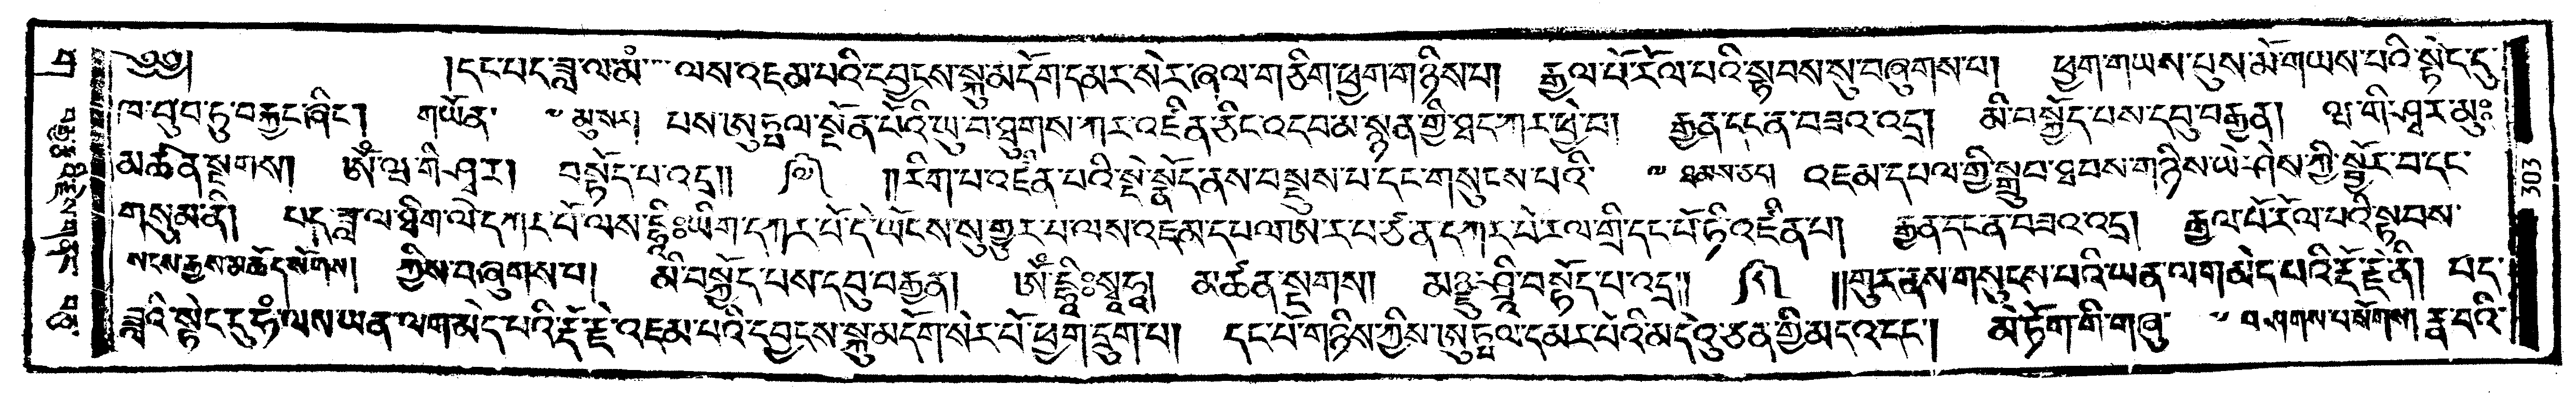༄༅། །དང་པད་ཟླ་ལ་མཾ་ལས་འཇམ་པའི་དབྱངས་སྐུ་མདོག་དམར་སེར་ཞལ་གཅིག་ཕྱག་གཉིས་པ། རྒྱལ་པོ་རོལ་པའི་སྟབས་སུ་བཞུགས་པ། ཕྱག་གཡས་པུས་མོ་གཡས་པའི་སྟེང་དུ་
ཁ་བུ་བ་ཏུ་བརྐྱང་ཞིང་། གཡོན་༧་མུ་སར། པས་ཨུཏྤལ་སྔོན་པོའི་ཡུ་བ་ཐུགས་ཀར་འཛིན་ཅིང་འདབ་མ་སྙན་གྱི་ཐད་ཀར་ཕྱེ་བ། རྒྱན་དང་ན་བཟའ་འདྲ། མི་བསྐྱོད་པས་དབུ་བརྒྱན། ཝ་གི་ཤྭར་མུཿ
མཚན་སྔགས། ཨོཾ་ཝ་གི་ཤྭ་ར། བསྟོད་པ་འདྲ།། ༧?་།།རིག་པ་འཛིན་པའི་སྡེ་སྣོད་ནས་བསྡུས་པ་དང་གསུངས་པའི་༧་ཐམས་ཅད། འཇམ་དཔལ་གྱི་སྒྲུབ་ཐབས་གཉིས་ཡེ་ཤེས་ཀྱི་སྦྱོར་བ་དང་
གསུམ་ནི། པད་ཟླ་ལ་ཐིག་ལེ་དཀར་པོ་ལས་དྷཱིཿཡིག་དཀར་པོ་དེ་ཡོངས་སུ་གྱུར་པ་ལས་འཇམ་དཔལ་ཨ་ར་པ་ཙ་ན་དཀར་པོ་རལ་གྲི་དང་པོ་ཏི་འཛིན་པ། རྒྱན་དང་ན་བཟའ་འདྲ། རྒྱལ་པོ་རོལ་པའི་སྟབས་
སངས་རྒྱས་མཆོད་སོགས། ཀྱིས་བཞུགས་པ། མི་བསྐྱོད་པས་དབུ་བརྒྱན། ཨོཾ་དྷཱིཿསྭཱཧཱ། མཚན་སྔགས། མཉྫུ་ཤྲཱི་བསྟོད་པ་འདྲ།། ༨?་།།གུར་ནས་གསུངས་པའི་ཡན་ལག་མེད་པའི་རྡོ་རྗེ་ནི། པད་
ཟླའི་སྟེང་དུ་ཧཾ་ལས་ཡན་ལག་མེད་པའི་རྡོ་རྗེ་འཇམ་པའི་དབྱངས་སྐུ་མདོག་སེར་པོ་ཕྱག་དྲུག་པ། དང་པོ་གཉིས་ཀྱིས་ཨུཏྤལ་དམར་པོའི་མདེའུ་ཅན་གྱི་མདའ་དང་། མེ་ཏོག་གི་གཞུ་༧་བཤགས་པ་སོགས། རྣ་བའི་